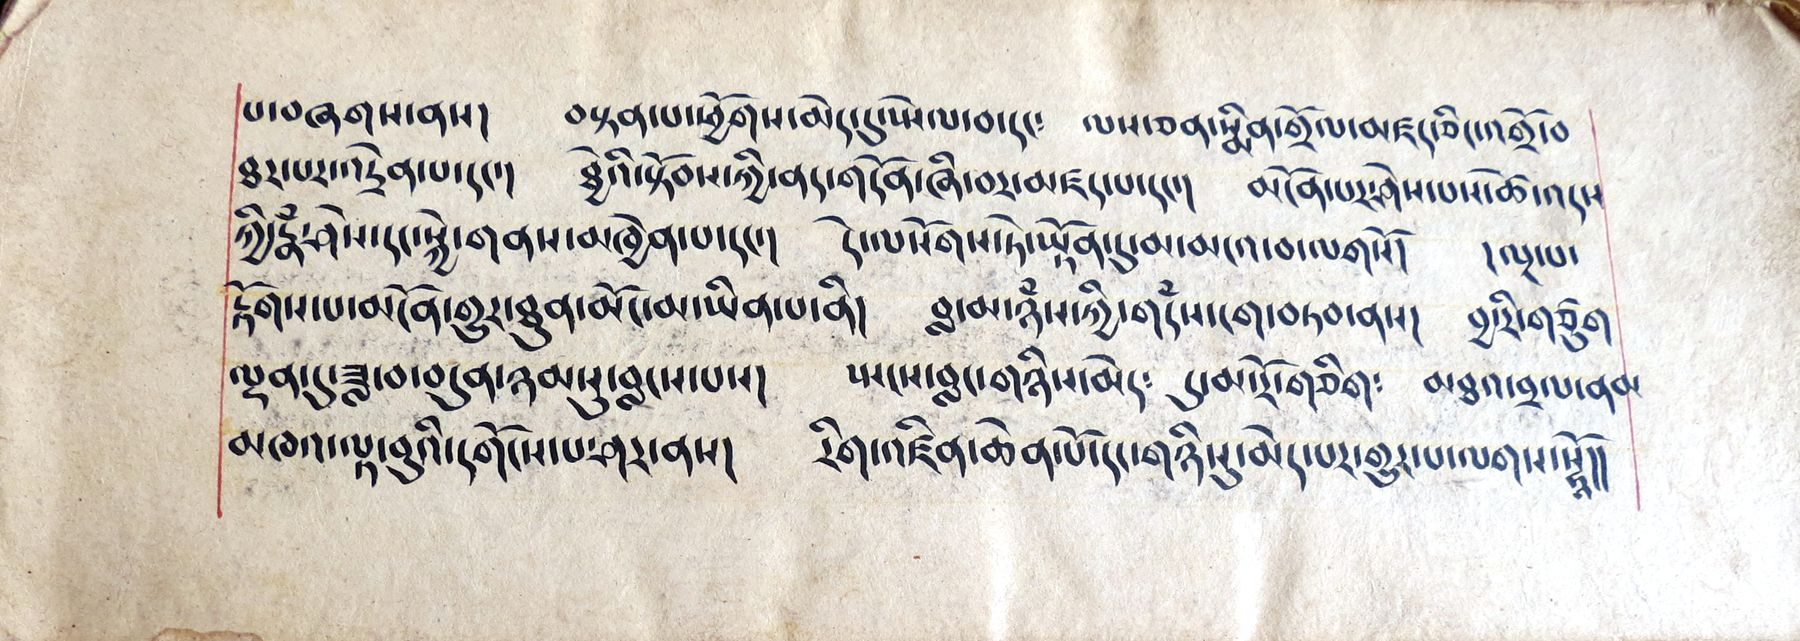བ་བཞག་ནས། བསྟན་པ་ཕྱོགས་མེད་དུ་སྤེལ་བ་དང་། ལས་ཅན་སྨིན་གྲོལ་མཛད་ཅིང་འགྲོ་བ་
ཐར་པར་འདྲེན་པ་དང་། ཐུགས་རྗེའི་སྟོབས་ཀྱིས་ནད་གདོན་ཞི་བར་མཛད་པ་དང་། མངོན་པར་ཤེས་པར་ཚེ་འདས་
ཀྱི་རྣམ་ཤེས་དང་སྐྱེ་གནས་མཁྱེན་པ་དང་། དེ་ལ་སོགས་ཏེ་ཡོན་ཏན་དུ་མ་མངའ་བ་ལགས་སོ། །ལྔ་པ་
རྟོགས་པ་མངོན་གྱུར་ཐུན་མོང་མ་ཡིན་པ་ནི། བླ་མས་ཉམས་ཀྱི་མན་ངག་བཏབ་ནས། བྱ་རི་གཙུག་
ལྡན་དུ་ཟླ་བ་བདུན་ཉམས་སུ་བླངས་པས། སྤང་བླང་གཉིས་མེད། དུ་མ་རོ་གཅིག། མཐའ་བྲལ་ནམ་
མཁའ་ལྟ་བུའི་དགོངས་པ་ཤར་ནས། རིག་འཛིན་ཆེན་པོ་དང་གཉིས་སུ་མེད་པར་གྱུར་པ་ལགས་སོ།